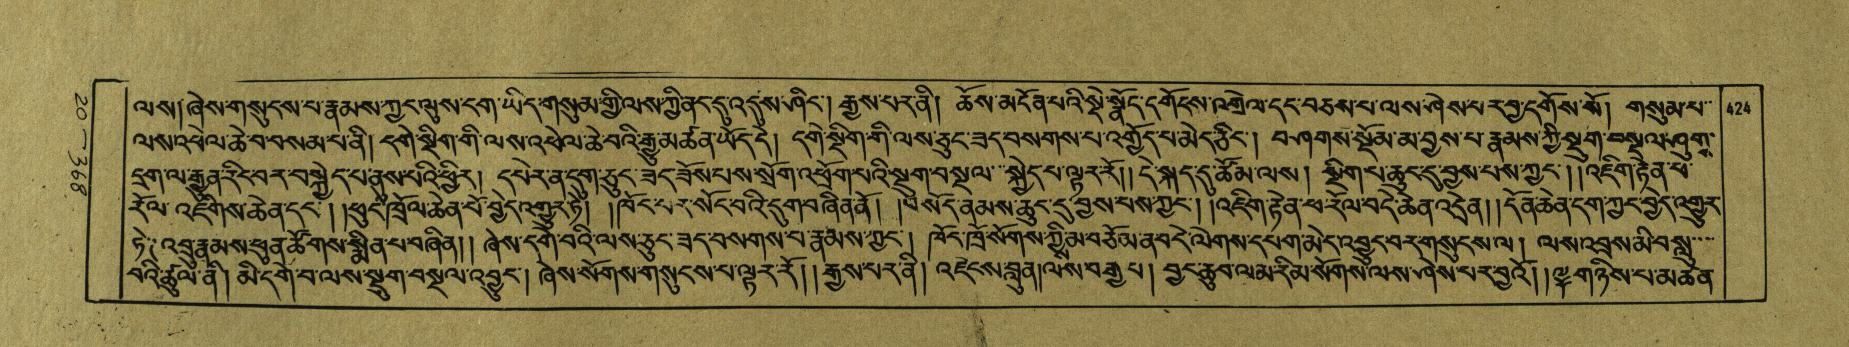ལས། ཞེས་གསུངས་པ་རྣམས་ཀྱང་ལུས་ངག་ཡིད་གསུམ་གྱི་ལས་ཀྱི་ནང་དུ་འདུས་ཤིང་། རྒྱས་པར་ནི། ཆོས་མངོན་པའི་སྡེ་སྣོད་དགོངས་འགྲེལ་དང་བཅས་པ་ལས་ཤེས་པར་བྱ་དགོས་སོ། གསུམ་པ་
ལས་འཕེལ་ཆེ་བ་བསམ་པ་ནི། དགེ་སྡིག་གི་ལས་འཕེལ་ཆེ་བའི་རྒྱུ་མཚན་ཡོད་དེ། དགེ་སྡིག་གི་ལས་ཅུང་ཟད་བསགས་པ་འགྱོད་པ་མེད་ཅིང་། བཤགས་སྡོམ་མ་བྱས་པ་རྣམས་ཀྱི་སྡུག་བསྔལ་ཤུགས་
དྲག་ལ་རྒྱུན་རིང་བར་བསྐྱེད་པ་ནུས་པའི་ཕྱིར། དཔེར་ན་དུག་ཅུང་ཟད་ཟོས་པས་སྲོག་འཕྲོག་པའི་སྡུག་བསྔལ་སྐྱེད་པ་ལྟར་རོ། །དེ་སྐད་དུ་ཚོམ་ལས། སྡིག་པ་ཆུང་དུ་བྱས་པས་ཀྱང་། །འཇིག་རྟེན་ཕ་
རོལ་འཇིགས་ཆེན་དང་། །ཕུང་ཁྲོལ་ཆེན་པོ་བྱེད་འགྱུར་ཏེ། །ཁོང་པར་སོང་བའི་དུག་བཞིན་ནོ། །བསོད་ནམས་ཆུང་དུ་བྱས་པས་ཀྱང་། །འཇིག་རྟེན་ཕ་རོལ་བདེ་ཆེན་འདྲེན། །དོན་ཆེན་དག་ཀྱང་བྱེད་འགྱུར་
ཏེ༑ འབྲུ་རྣམས་ཕུན་ཚོགས་སྨིན་པ་བཞིན། །ཞེས་དགེ་བའི་ལས་ཅུང་ཟད་བསགས་པ་རྣམས་ཀྱང་། ཁོང་ཁྲོ་སོགས་ཀྱིས་མ་བཅོམ་ན་བདེ་ལེགས་དཔག་མེད་འབྱུང་བར་གསུངས་ལ། ལས་འབྲས་མི་བསླུ་
བའི་ཚུལ་ནི། མི་དགེ་བ་ལས་སྡུག་བསྔལ་འབྱུང་། ཞེས་སོགས་གསུངས་པ་ལྟར་རོ། །རྒྱས་པར་ནི། འཛངས་བླུན། ལས་བརྒྱ་པ། བྱང་ཆུབ་ལམ་རིམ་སོགས་ལས་ཤེས་པར་བྱའོ། །༈གཉིས་པ་མཚན་